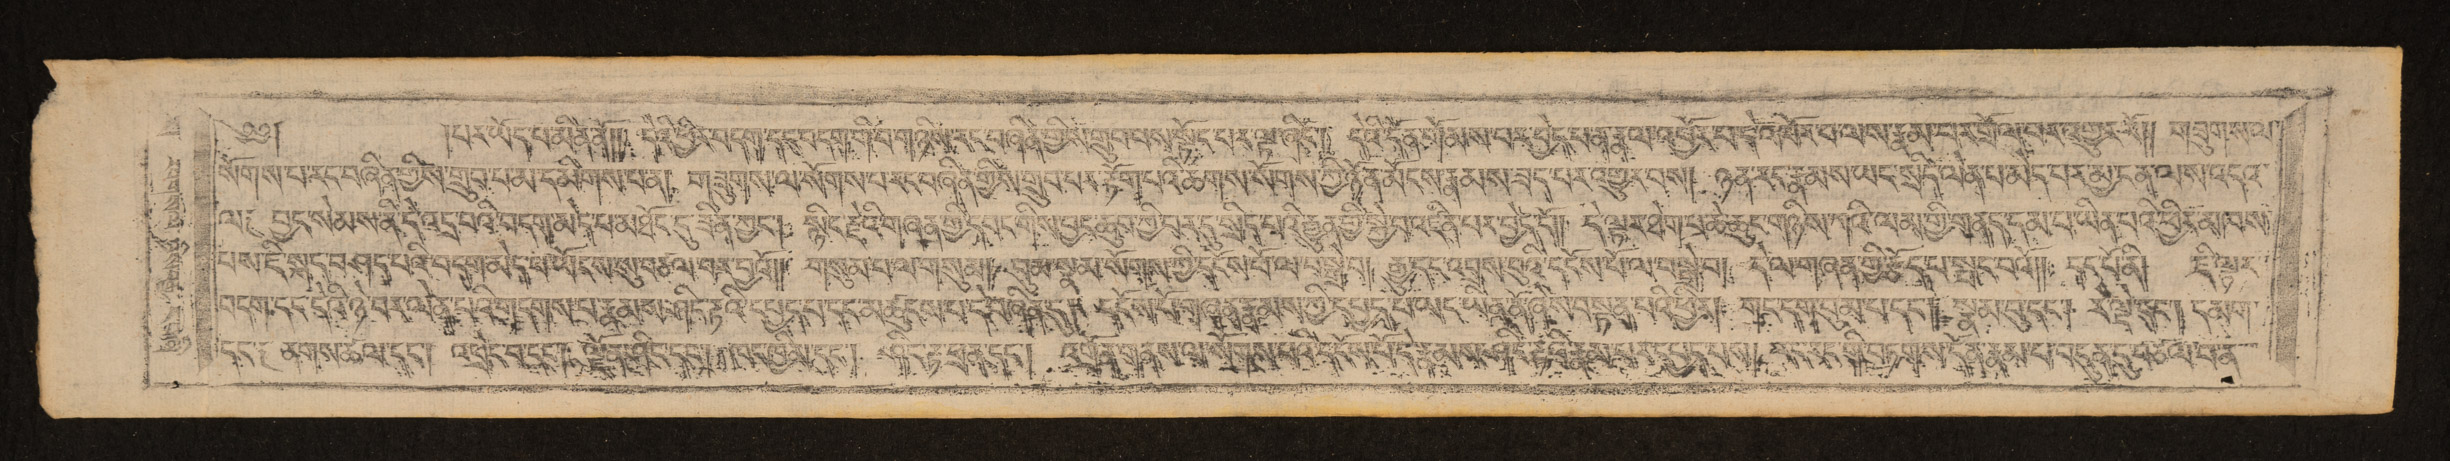༄༅། །པར་ཡོད་པ་མིན་ནོ།། དེའི་ཕྱིར་བདག་དང་བདག་གི་བ་གཉིས་རང་བཞིན་གྱིས་གྲུབ་པས་སྟོང་པར་ལྟ་ཞིང་། དེའི་དོན་གོམས་པར་བྱེད་པ་ན་རྣལ་འབྱོར་པ་དེ་འཁོར་བ་ལས་རྣམ་པར་གྲོལ་བར་འགྱུར་རོ།། གཟུགས་ལ་
སོགས་པ་རང་བཞིན་གྱིས་གྲུབ་པ་མ་དམིགས་པ་ན། གཟུགས་ལ་སོགས་པ་རང་བཞིན་གྱིས་གྲུབ་པར་རྟོག་པའི་ཆགས་སོགས་ཀྱི་ཉོན་མོངས་རྣམས་ཟད་པར་འགྱུར་བས། ཉན་རང་རྣམས་ཡང་སྲིད་ལེན་པ་མེད་པར་མྱ་ངན་ལས་འདའ་
ལ༑ བྱང་སེམས་ནི་དེ་འདྲ་བའི་བདག་མེད་པ་མཐོང་དུ་ཟིན་ཀྱང་། སྙིང་རྗེའི་གཞན་གྱི་དབང་གིས་བྱང་ཆུབ་ཀྱི་བར་དུ་སྲིད་པའི་རྒྱུན་གྱི་སྐྱེ་བ་འཛིན་པར་བྱེད་དོ།། དེ་ལྟར་ཐེག་པ་ཆེ་ཆུང་གཉིས་ཀའི་ལམ་གྱི་གནད་དམ་པ་ཡིན་པའི་ཕྱིར་མཁས་
པས་ཇི་སྐད་བཤད་པའི་བདག་མེད་པ་ཡོངས་སུ་བཙལ་བར་བྱའོ།། གསུམ་པ་ལ་གསུམ། བུམ་སྣམ་སོགས་ཀྱི་དངོས་པོ་ལ་བསྒྲེ་བ། རྒྱུ་དང་འབྲས་བུའི་དངོས་པོ་ལ་བསྒྲེ་བ། དེ་ལ་གཞན་གྱི་རྩོད་པ་སྤང་བའོ།། དང་པོ་ནི། ཇི་ལྟར་
བདག་དང་དེའི་ཉེ་བར་ལེན་པའི་གདགས་པ་རྣམས་ཤིང་རྟའི་དཔྱད་པ་དང་མཚུངས་པ་དེ་བཞིན་དུ། དངོས་པོ་གཞན་རྣམས་ཀྱི་དཔྱད་པ་ཡང་ཡིན་ནོ་ཞེས་བསྟན་པའི་ཕྱིར། གང་དག་བུམ་པ་དང་། སྣམ་བུ་དང་། རི་ལྡེ་དང་། དམག་
དང༑ ནགས་ཚལ་དང་། འཕྲེང་བ་དང་། ལྗོན་ཤིང་དང་། ཁང་ཁྱིམ་དང་། ཤིང་རྟ་ཕྲན་དང་། འགྲོན་གནས་ལ་སོགས་པའི་དངོས་པོ་དེ་རྣམས་ཤིང་རྟའི་རྣམ་པར་དཔྱད་པས། རང་རང་གི་བཏགས་དོན་རྣམ་པ་བདུན་དུ་བཙལ་བ་ན་